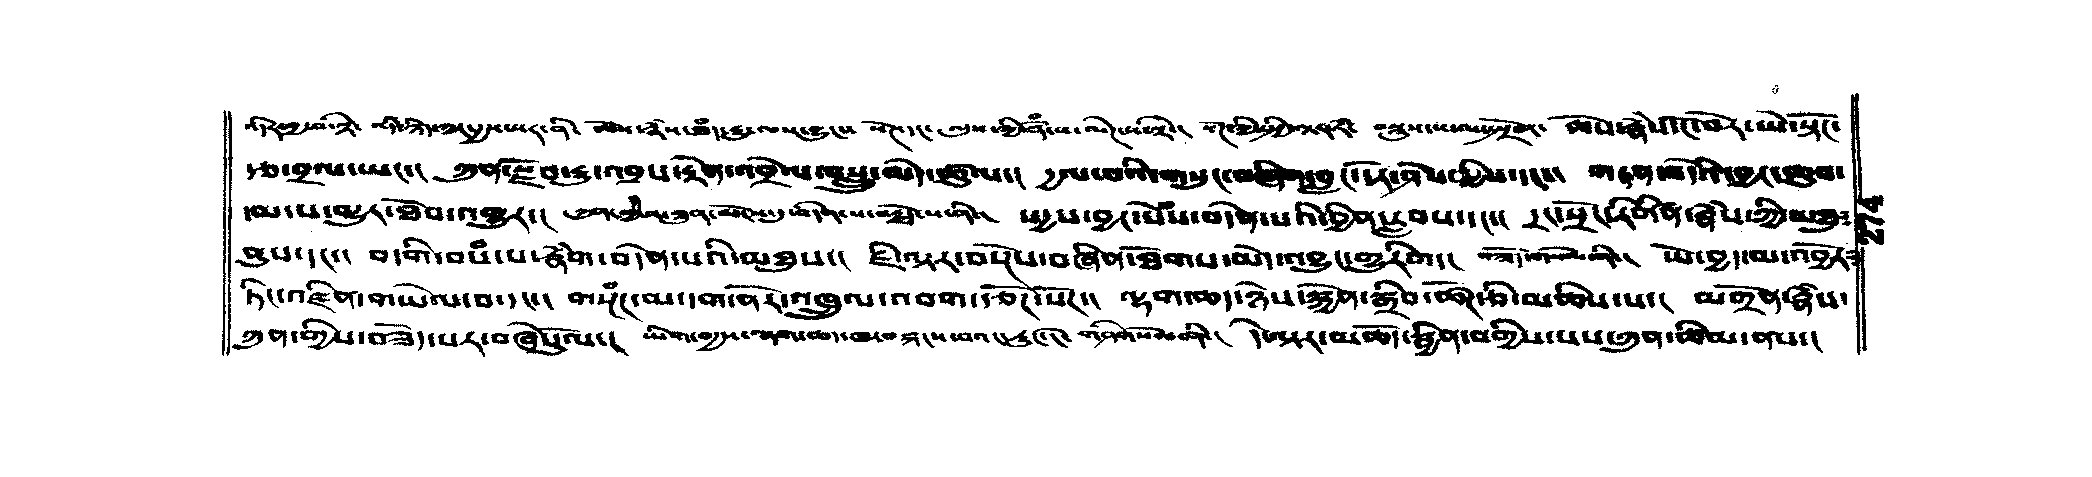འདིར་བྱ་བ་སྟེ། འདི་ཉིད་ཀྱང་རྒྱས་པར་ནི། ཆོས་ཐམས་ཅད་རྒྱུ་ལས་འབྱུང་། །སོགས་དང་། ལུས་ཀྱི་སྡོམ་པ་ལེགས་པ་སྟེ། སོགས་ཀྱི་སྤྱི་ལྟར་རམ། བསྡུས་པ་ལ་སྤྲོ་ན། ཆོས་རྣམས་ངོ་བོ་ཡེ་སྟོང་
རྩ་བྲལ་ཡང་། །ཀུན་རྫོབ་རྒྱུ་འབྲས་རྟེན་འབྲེལ་བསླུ་མེད་ཚུལ། །རྒྱལ་བའི་གསུང་བཞིན་བླང་དོར་ཤེསབགྱིད་དང་། །གཏན་བདེའི་བྱང་ཆུབ་
དམ་པ་མྱུར་ཐོབ་ཤོག་ཀུན་གྱི་ཐུན་མོང་དུ་བདེན་པ་བརྗོད་པ་ནི།སངས་རྒྱས་བྱང་སེམས་བདེན་པའི་བྱིན་རླབས་དང་། །དྲང་སྲོང་རིག་འཛིན་རྣམས་ཀྱི་མཐུ་
ནུས་དང་། །བདག་གི་བསམ་པ་རྣམ་དག་བདེན་པའི་མཐུས། །ཇི་ལྟར་བསྔོས་བཞིན་ཐོགས་མེད་འབྱུང་གྱུར་ཅིག་བཟོད་གསོལ་ནི། ཡོ་བྱད་མ་འབྱོར་
ཏིང་འཛིན་གཡེལ་བ་དང་། །གསང་སྔགས་མ་དག་ནོར་འཁྲུལ་འབག་རྩོགས་སོགས། །ལྷག་ཆད་ཉེས་སྐྱོན་སྒྲིབ་ཚོགས་ཅི་མཆིས་པ། །མགྲོན་རྣམས་
ཀུན་གྱིས་བཟོད་པར་བཞེས་སུ་གསོལ། ། ཡིག་བརྒྱས་ལྷག་ཆད་ཁ་སྐོངས་བའང་རུང་ངོ་། གཤེགས་གསོལ་ནི། དེ་ལྟར་མཆོད་སྦྱིན་བགྱིས་པས་ཀུན་ཚིམ་ནས། །